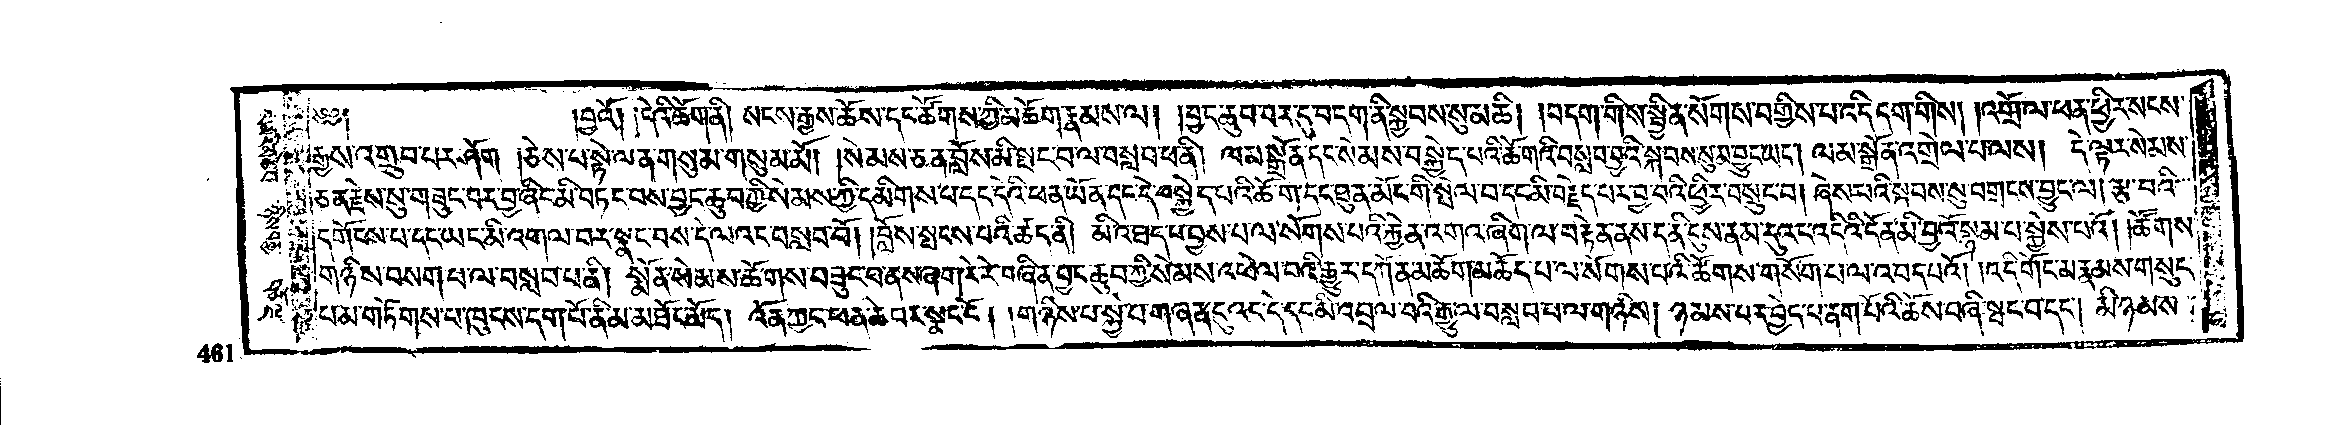༄༅། །བྱའོ༑ ༑དེའི་ཆོ་ག་ནི། སངས་རྒྱས་ཆོས་དང་ཚོགས་ཀྱི་མཆོག་རྣམས་ལ། །བྱང་ཆུབ་བར་དུ་བདག་ནི་སྐྱབས་སུ་མཆི། །བདག་གིས་སྦྱིན་སོགས་བགྱིས་པ་འདི་དག་གིས། །འགྲོ་ལ་ཕན་ཕྱིར་སངས་
རྒྱས་འགྲུབ་པར་ཤོག །ཅེས་པ་སྟེ་ལན་གསུམ་གསུམ་མོ། །སེམས་ཅན་བློས་མི་སྤང་བ་ལ་བསླབ་པ་ནི། ལམ་སྒྲོན་དང་སེམས་བསྐྱེད་པའི་ཆོ་གའི་བསླབ་བྱའི་སྐབས་སུ་མ་བྱུང་ཡང་། ལམ་སྒྲོན་འགྲེལ་པ་ལས། དེ་ལྟར་སེམས་
ཅན་རྗེས་སུ་གཟུང་བར་བྱ་ཞིང་མི་བཏང་བས་བྱང་ཆུབ་ཀྱི་སེམས་ཀྱི་དམིགས་པ་དང་དེའི་ཕན་ཡོན་དང་དེ་བསྐྱེད་པའི་ཆོ་ག་དང་ཐུན་མོང་གི་སྤེལ་བ་དང་མི་བརྗེད་པར་བྱ་བའི་ཕྱིར་བསྲུང་བ། ཞེས་པའི་སྐབས་སུ་བགྲངས་བྱུང་ལ། རྩ་བའི་
དགོངས་པ་དང་ཡང་མི་འགལ་བར་སྣང་བས་དེ་ལའང་བསླབ་བོ། །བློས་སྤངས་པའི་ཚད་ནི། མི་འཐད་པ་བྱས་པ་ལ་སོགས་པའི་རྐྱེན་འགའ་ཞིག་ལ་བརྟེན་ནས་ད་ནི་དུས་ནམ་དུའང་འདིའི་དོན་མི་བྱའོ་སྙམ་པ་སྐྱེས་པའོ། །ཚོགས་
གཉིས་བསག་པ་ལ་བསླབ་པ་ནི། སྨོན་སེམས་ཆོ་གས་བཟུང་བ་ནས་ཞག་རེ་རེ་བཞིན་བྱང་ཆུབ་ཀྱི་སེམས་འཕེལ་བའི་རྒྱུར་དཀོན་མཆོག་མཆོད་པ་ལ་སོགས་པའི་ཚོགས་གསོག་པ་ལ་འབད་པའོ། །འདི་གོང་མ་རྣམས་གསུང་
བ་མ་གཏོགས་པ་ཁུངས་དག་པོ་ནི་མ་མཐོང་མོད། འོན་ཀྱང་ཕན་ཆེ་བར་སྣང་ངོ། །གཉིས་པ་སྐྱེ་བ་གཞན་དུའང་དེ་དང་མི་འབྲལ་བའི་རྒྱུ་ལ་བསླབ་པ་ལ་གཉིས། ཉམས་པར་བྱེད་པ་ནག་པོའི་ཆོས་བཞི་སྤང་བ་དང་། མི་ཉམས་